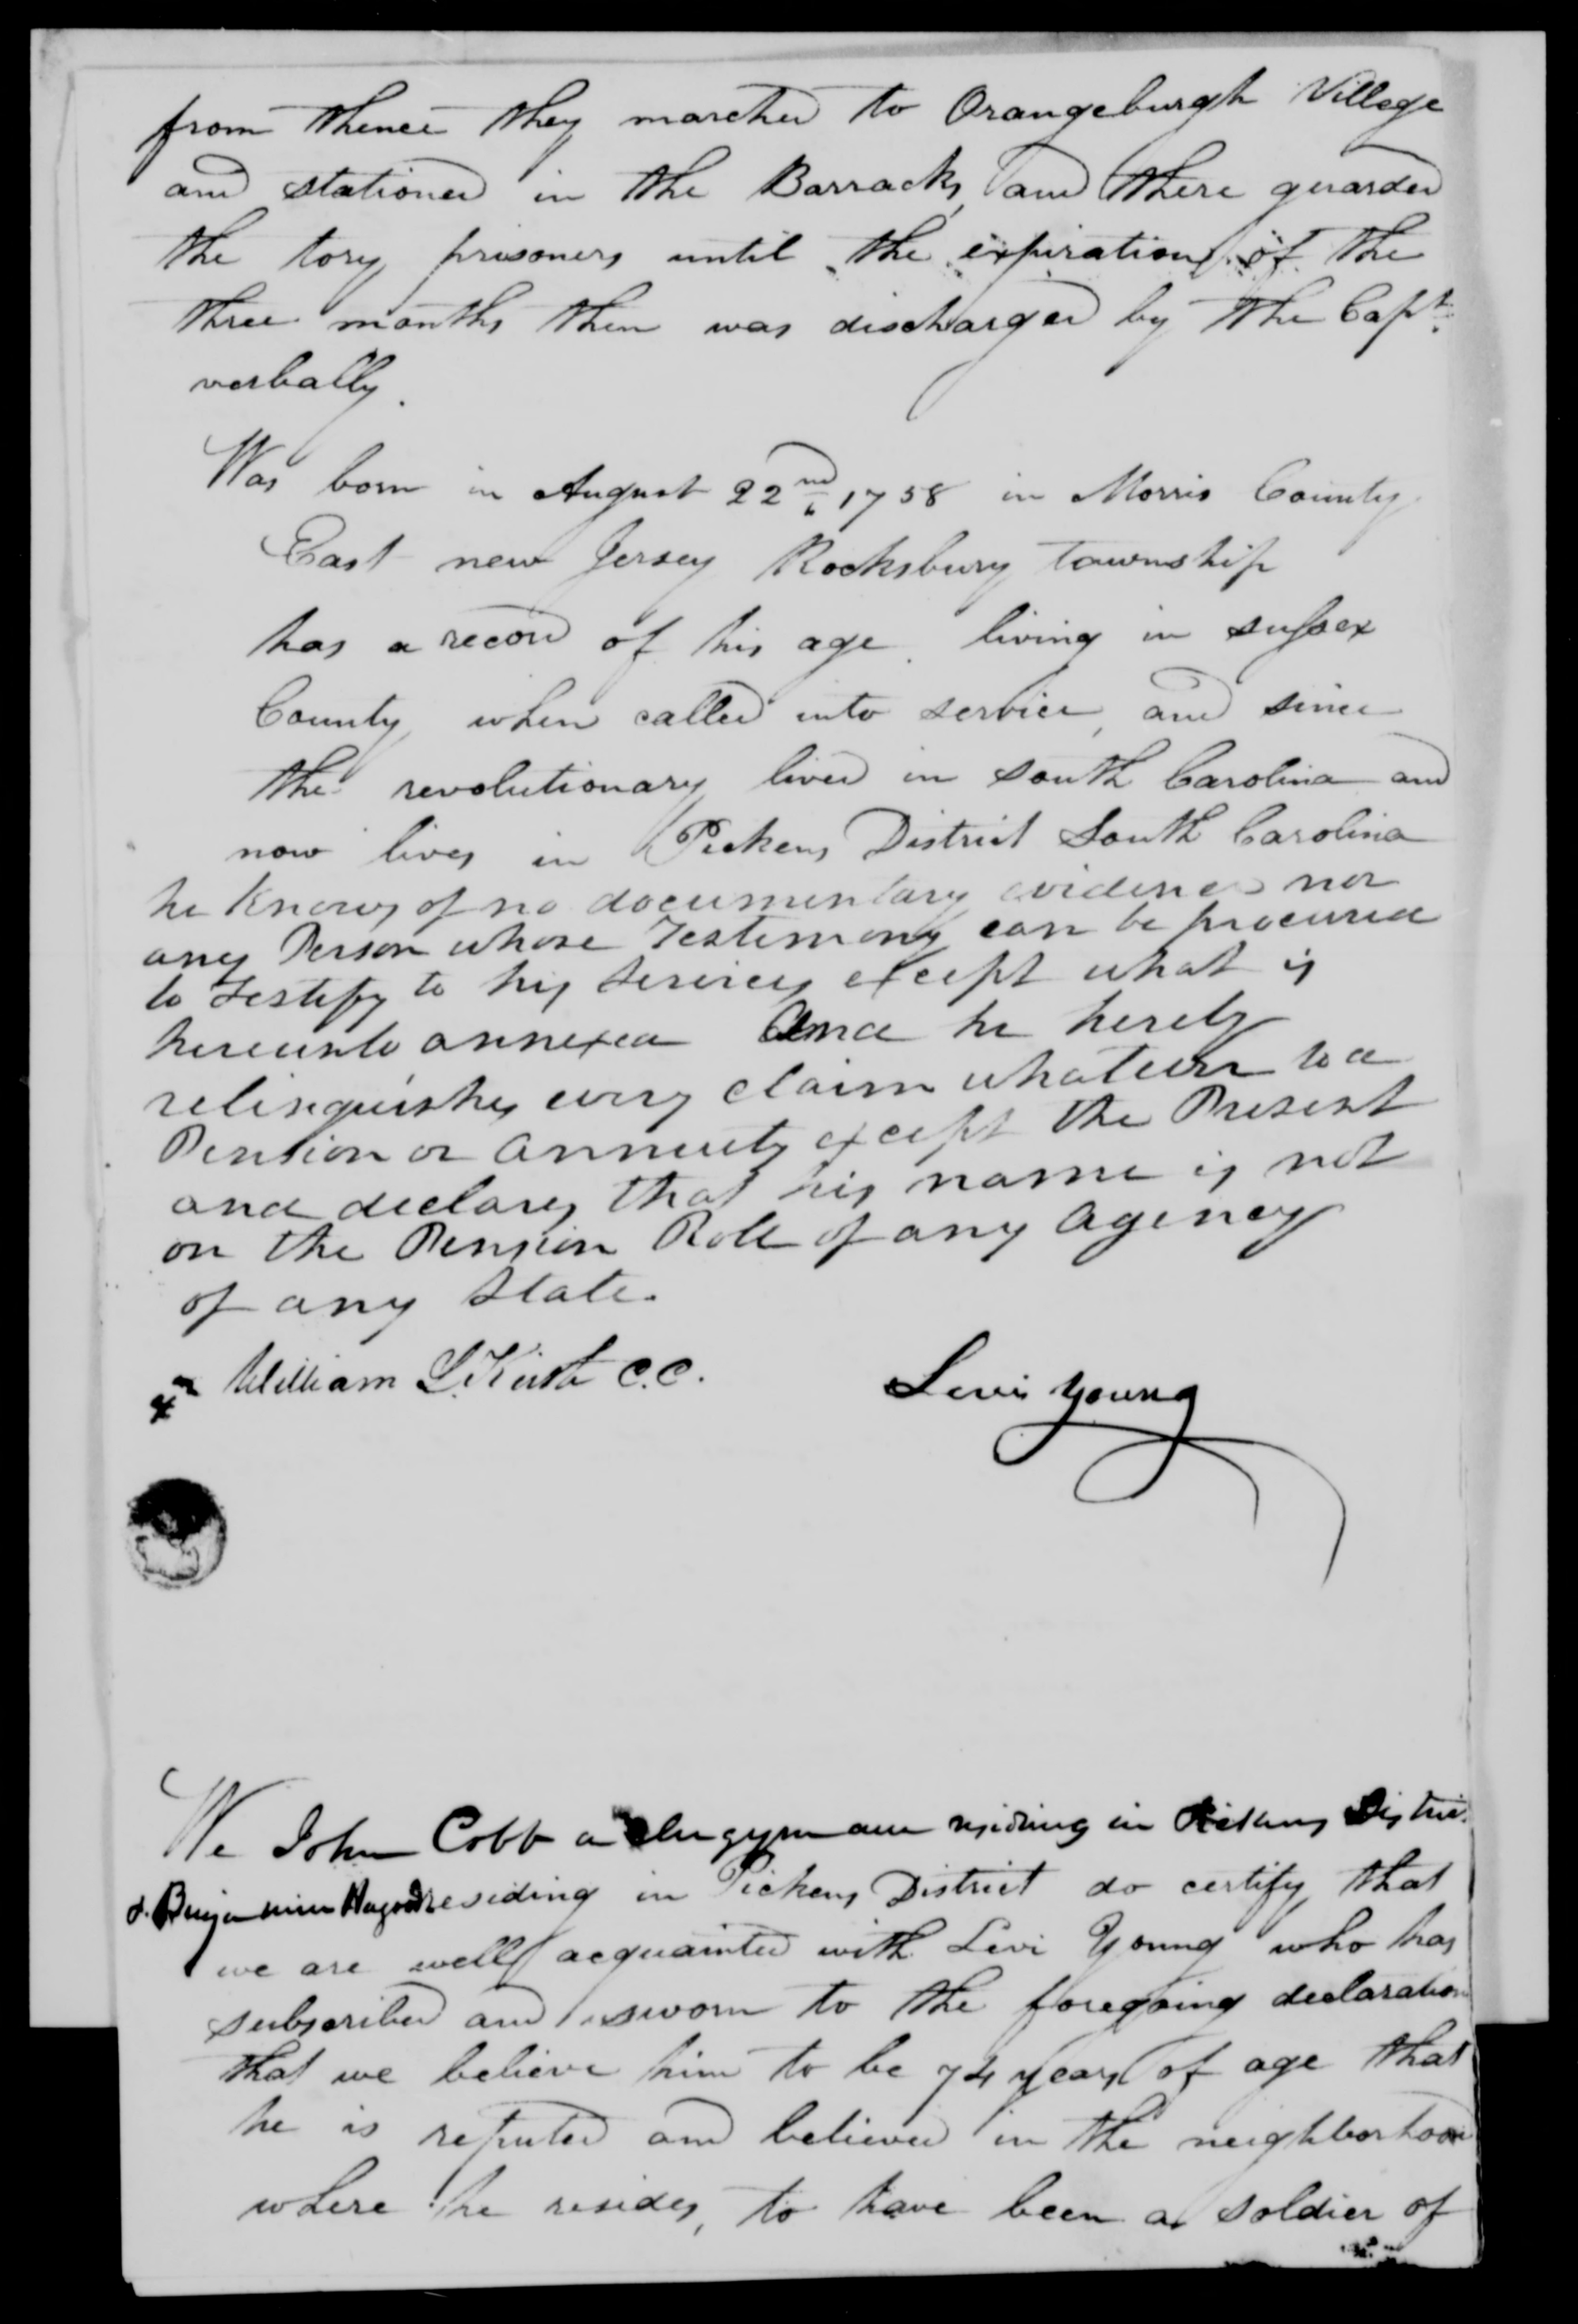from thence they marched to Orangeburgh (sic Orangeburg) Village
and stationed in the Barracks and there guarded
the tory prisoners until the expiration of the
three months then was discharged by the Capt
verbally.
Was born in (sic on) August 22nd, 1758 in Morris County
East new (sic New) Jersey Rocksbury township
has no record of his age living in sussex (sic Sussex) 
County when called into service, and since
the revolutionary [war] lived in south (sic South) Carolina and
now lives in Pickens District South Carolina
he knows of no documentary evidence nor
any Person (sic person) whose Testimony can be procured
to Testify to his services except what is 
hereunto annexed  And he hereby relinquishes every claim whatever to a
Pension or annuity except the Present
and declares that his name is not
on the Pension Roll of any agency
of any state.
William L. Keith C.C. [Clerk of the Court]  Levi Young (his signature)

We John Cobb a clergyman residing in Pickens District
+ Benjamin Hagood residing in Pickens District do certify that
we are well acquainted with Levi Young who has
subscribed and sworn to the foregoing declaration
that we believe him to be 74 years of age that
he is reputed and believed in the neighborhood
where he resides, to have been a soldier of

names: Benjamin Hagood, John Cobb, William L Keith, Levi Young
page: 6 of 56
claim: widow's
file: W. 9040, Levi Young, Ga. New Jersey S.C.